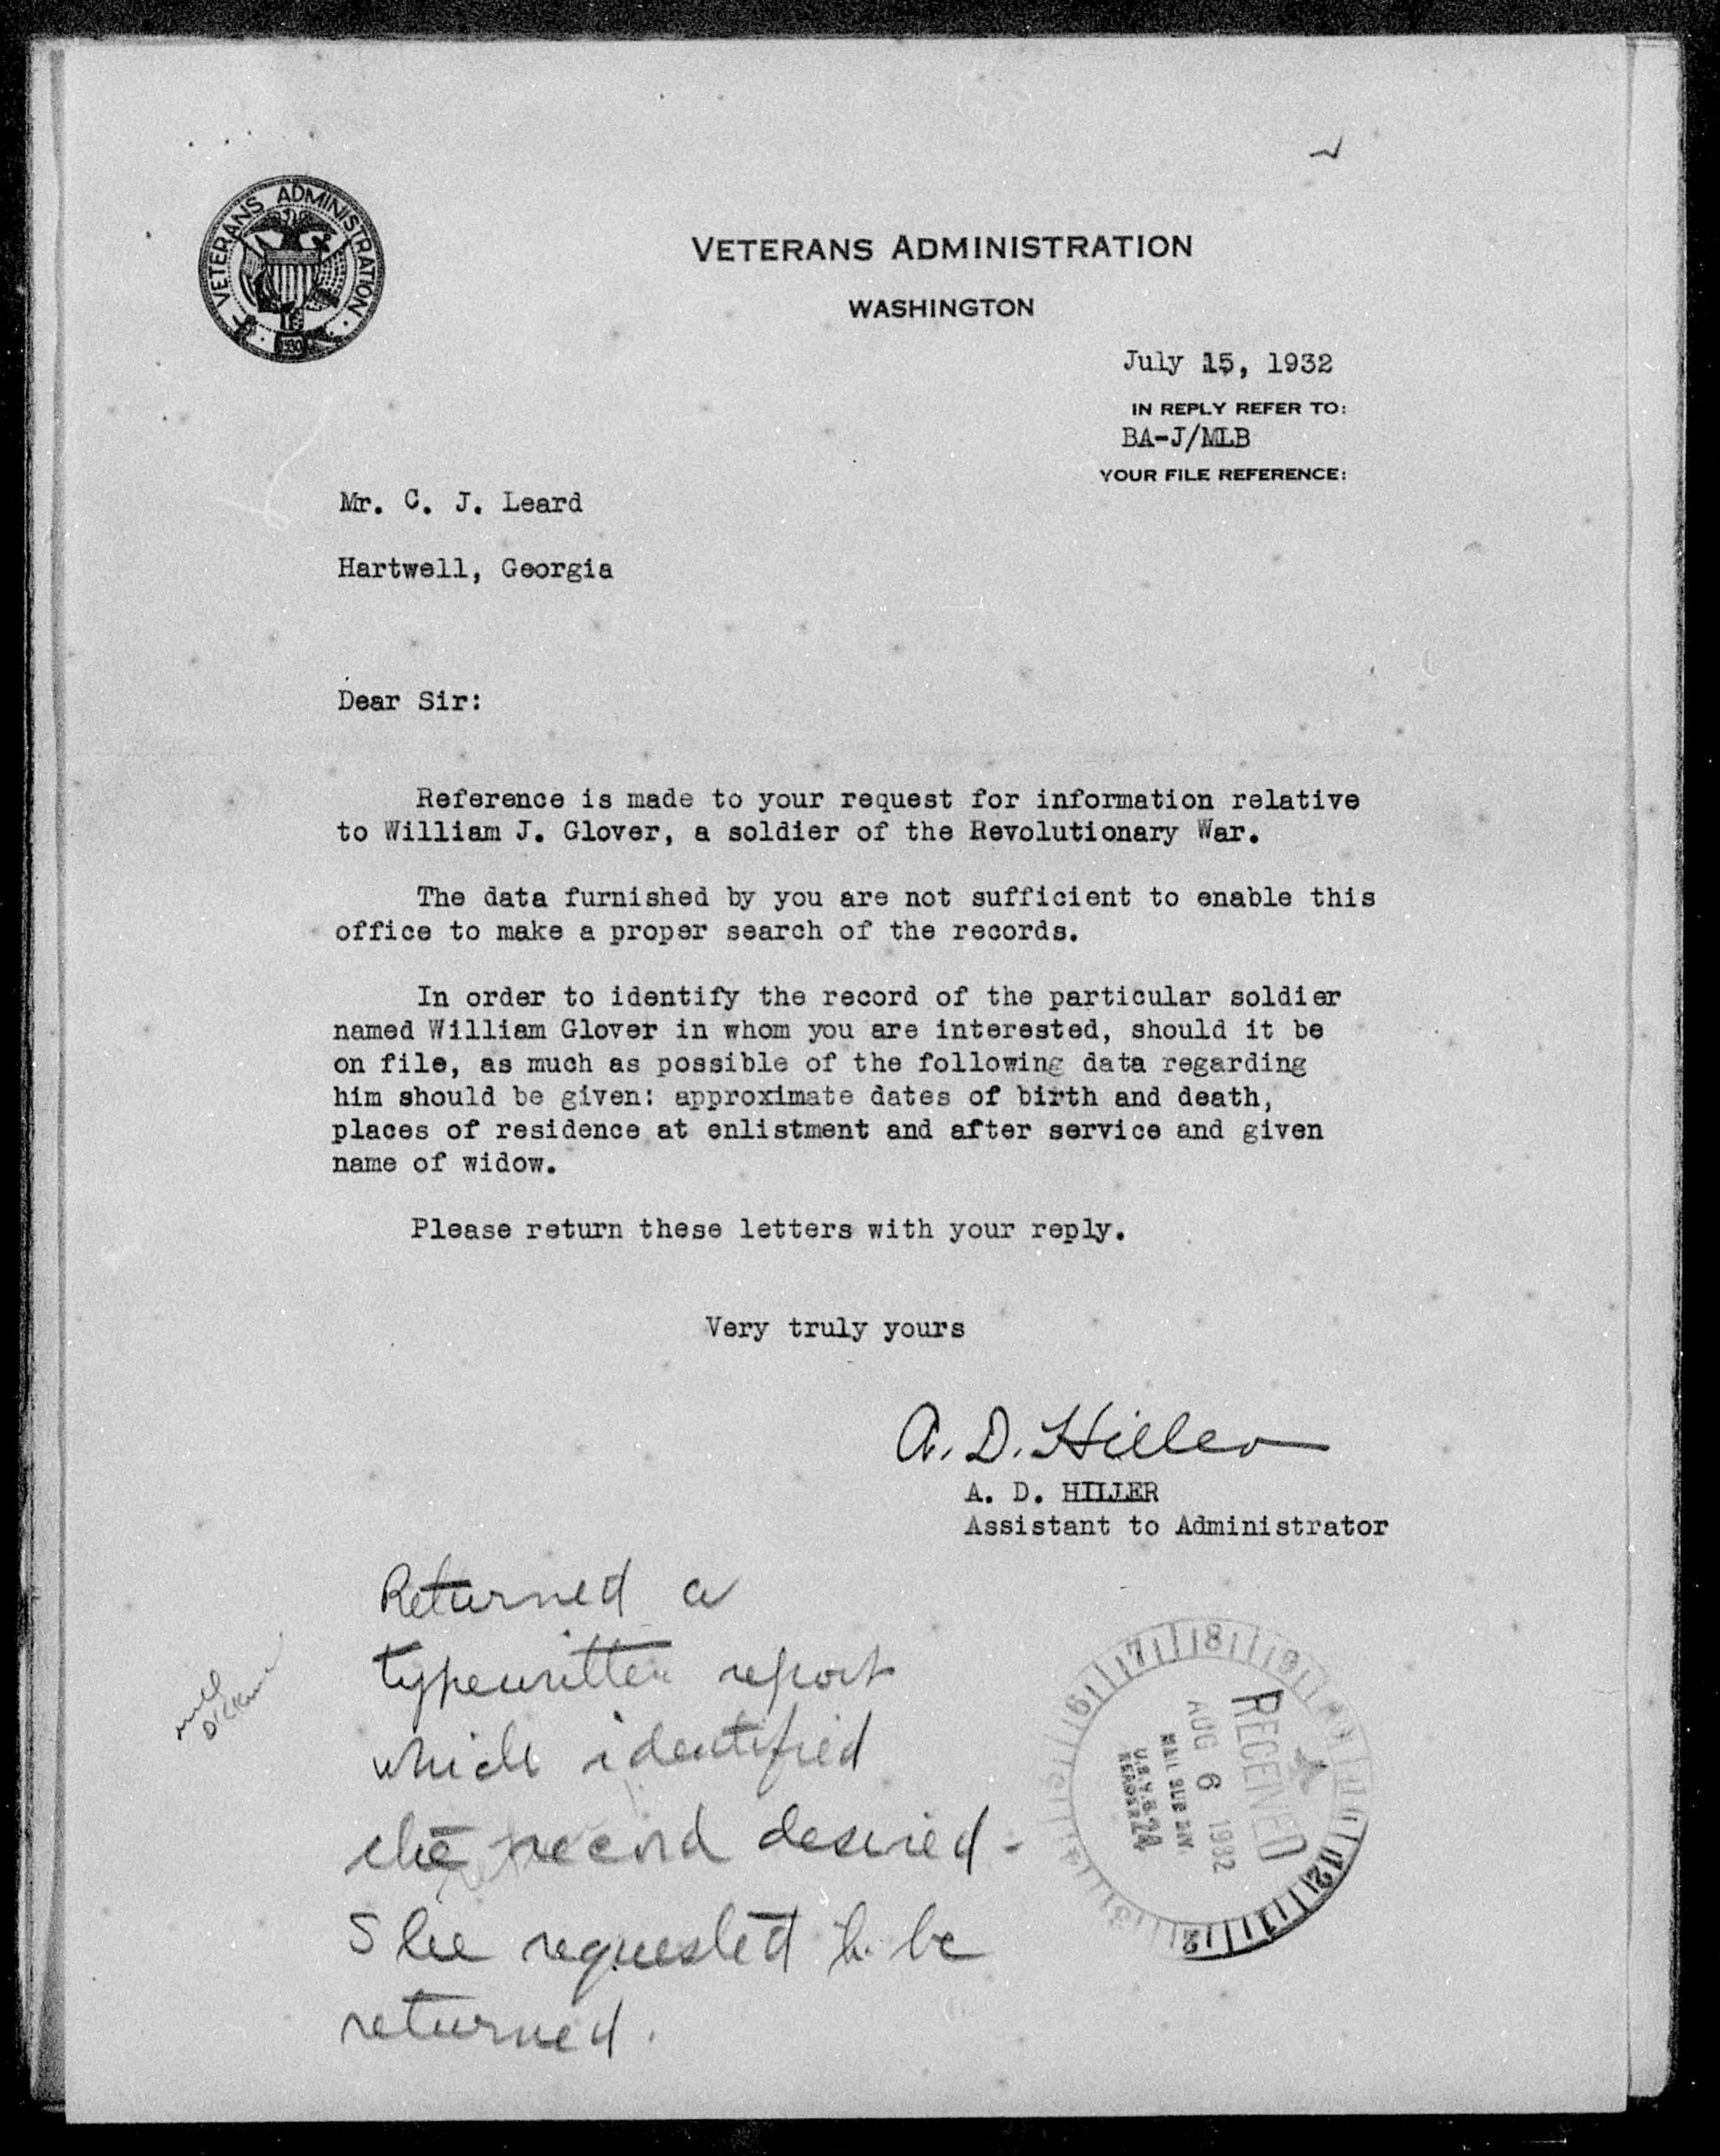Returned a typewritten report which identified the [illegible] desired- she requested to be returned.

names: C J Leard, A D Hiller, William J Glover, A D Hiller, William Glover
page: 47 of 51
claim: widow's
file: W. 929, William Glover, N.C.